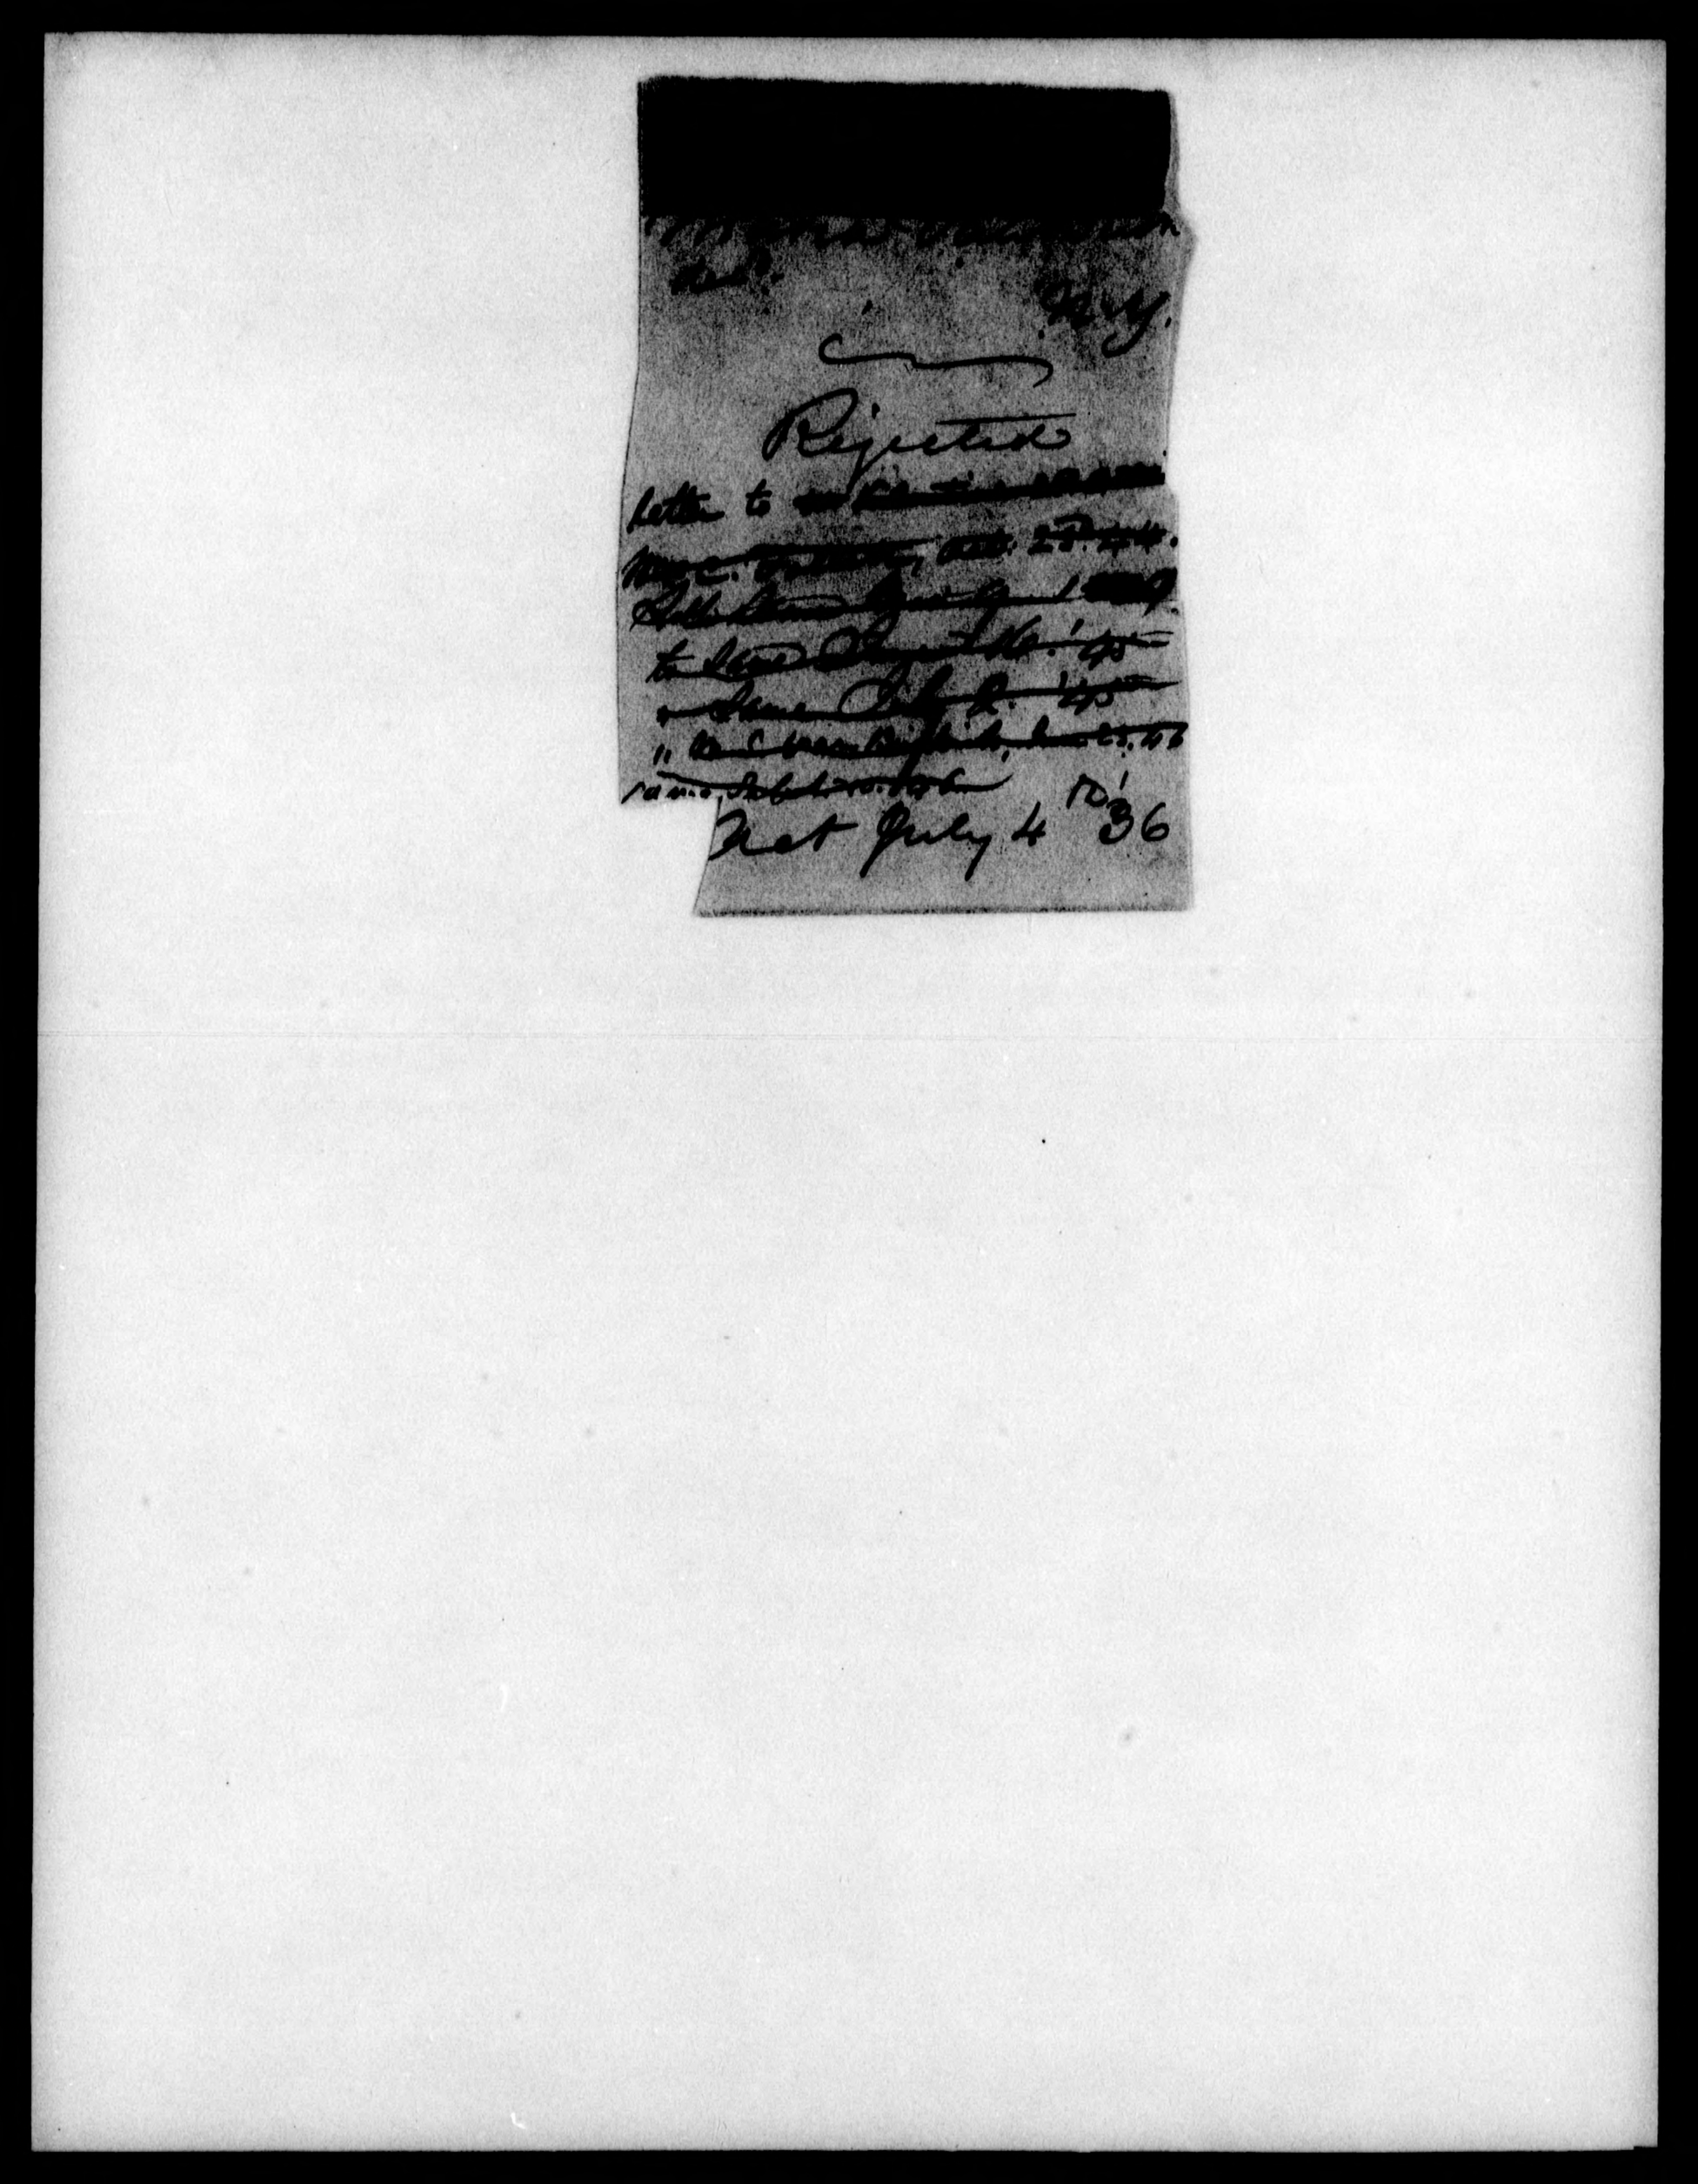[illegible]
N.Y.

Rejected

Letter to [illegible]
to same Oct. 16, '45
to same Oct. 2. '45
to same [illegible]
[illegible] July 4  '36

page: 17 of 70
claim: rejected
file: R. 10,832, Martin Van Buskirk, New York.